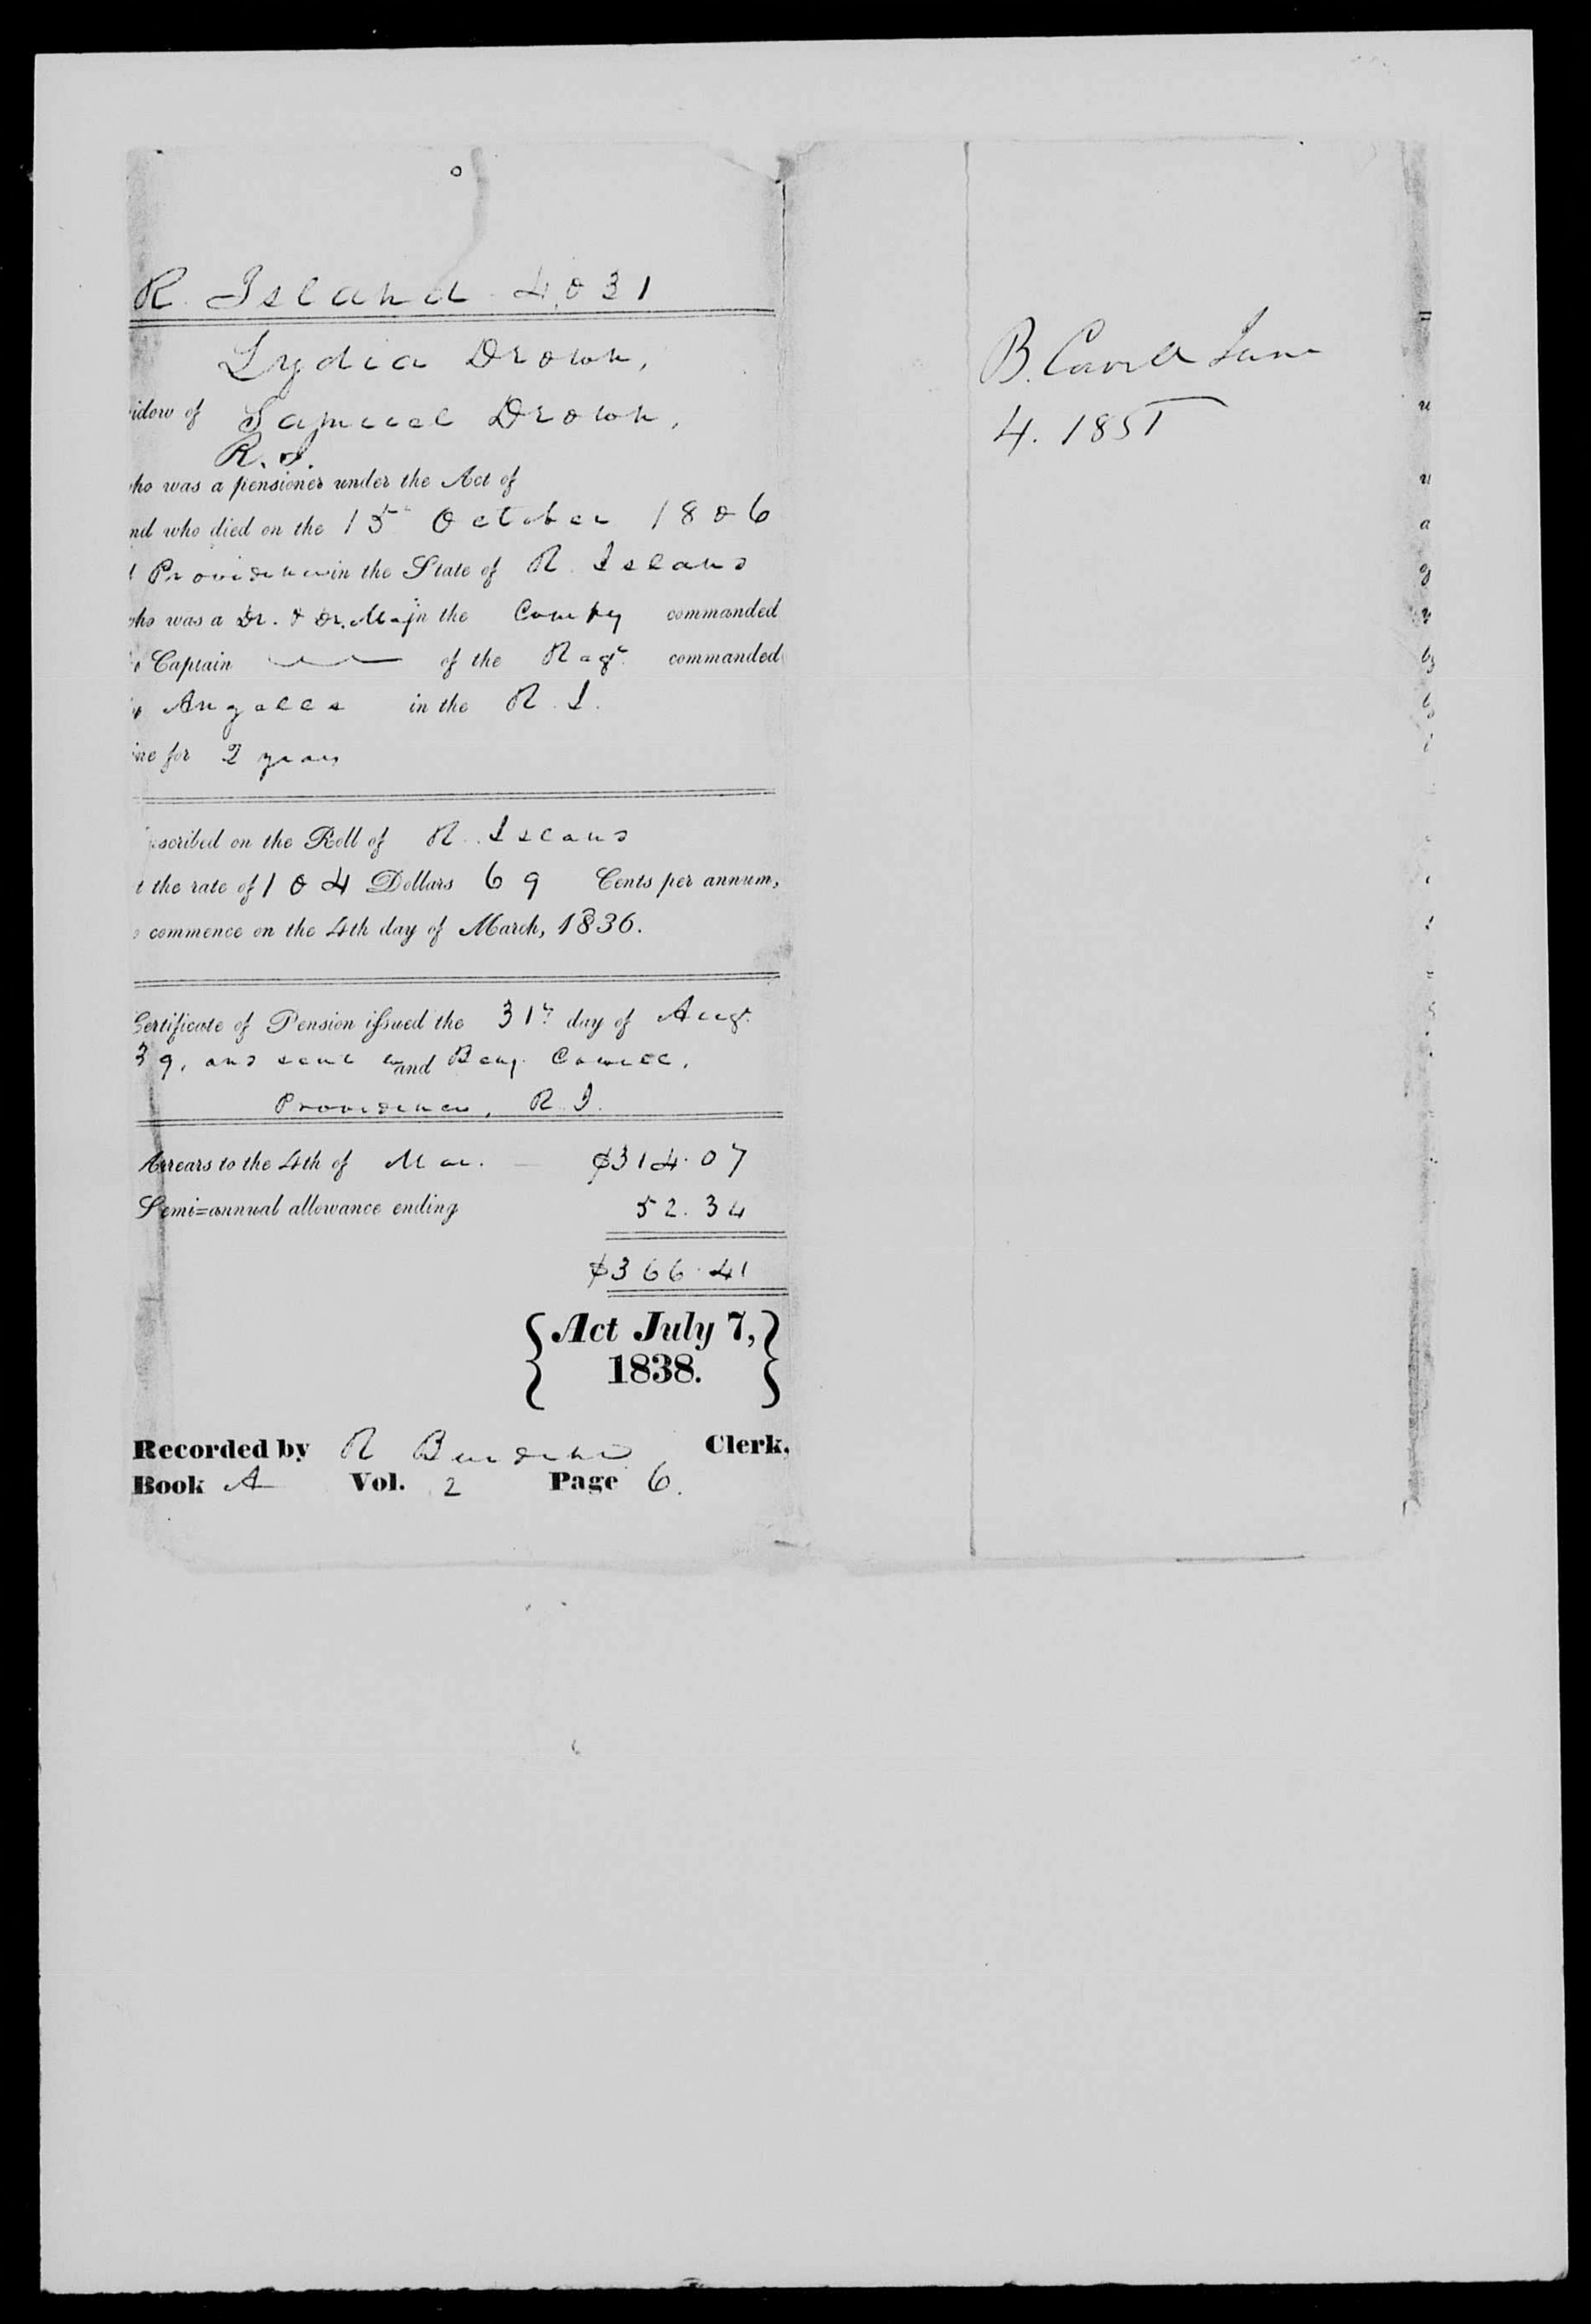[handwritten.  Appears to be front of pre printed document]
B.Carver June
4 1851

[The following appears to be body of pre printed document

[Handwritten] R. Island 4.O31

[pre printed double line across page]

[handwritten] Lydia Drown
[pre printed] idow of [handwritten] Samuel Drown,
 R.I.
[pre printed] ho was a pensioner under the Act of
[preprinted] nd who died on the [hand written]15 October 1806
Providence [pre printed] in the State of [handwritten] R. Island
[pre printed]ho was a [hand written – illegible] [pre printed] in the [handwritten]company
[pre printed]commanded Captain [handwritten squiggly line] [preprinted]of the Reg Angalls
[pre printed] in the [handwritten] R.I. for 2 years

[pre printed double  line across page]

[pre printed] scribed on the Roll of R. Island
[pre printed] t the rate of [handwritten]104 [pre printed] Dollars [handwritten] 69 [preprinted] Cents per annum,
[pre printed] commence on the 4th day of March, 1836.

[pre printed double  line across page]

[preprinted cursive] Certificate of Pension issued the [handwritten]31 [pre printed cursive] day of [handwritten]  Aug [handwritten illegible][handwritten] and sent to [preprinted cursive]and
[Handwritten illegible a signature]
[Handwritten] Providence, R.i.

[pre printed double  line across page]

[preprinted cursive] Arrears to the 4th of [handwritten] Mar.           $314.07
        		      						        
[preprinted cursive]Semi=annual allowance ending [handwritten].   52.34
								           
$366.41
[Preprinted cursive bold in brackets] Act July 7, 1838

[preprinted cursive bold] Recorded by [handwritten illegible] [preprinted cursive bold] Clerk
[preprinted cursive bold]. Book [handwritten] A [preprinted cursive bold] 
Vol [handwritten] 2 [preprinted cursive bold] Page [handwritten] 6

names: Lydia Drown, Benj Cowell, Angelle, R Burdine, Samuel Drown, B Cowell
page: 2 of 31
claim: widow's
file: W 21004, Samuel Drown, R.I.